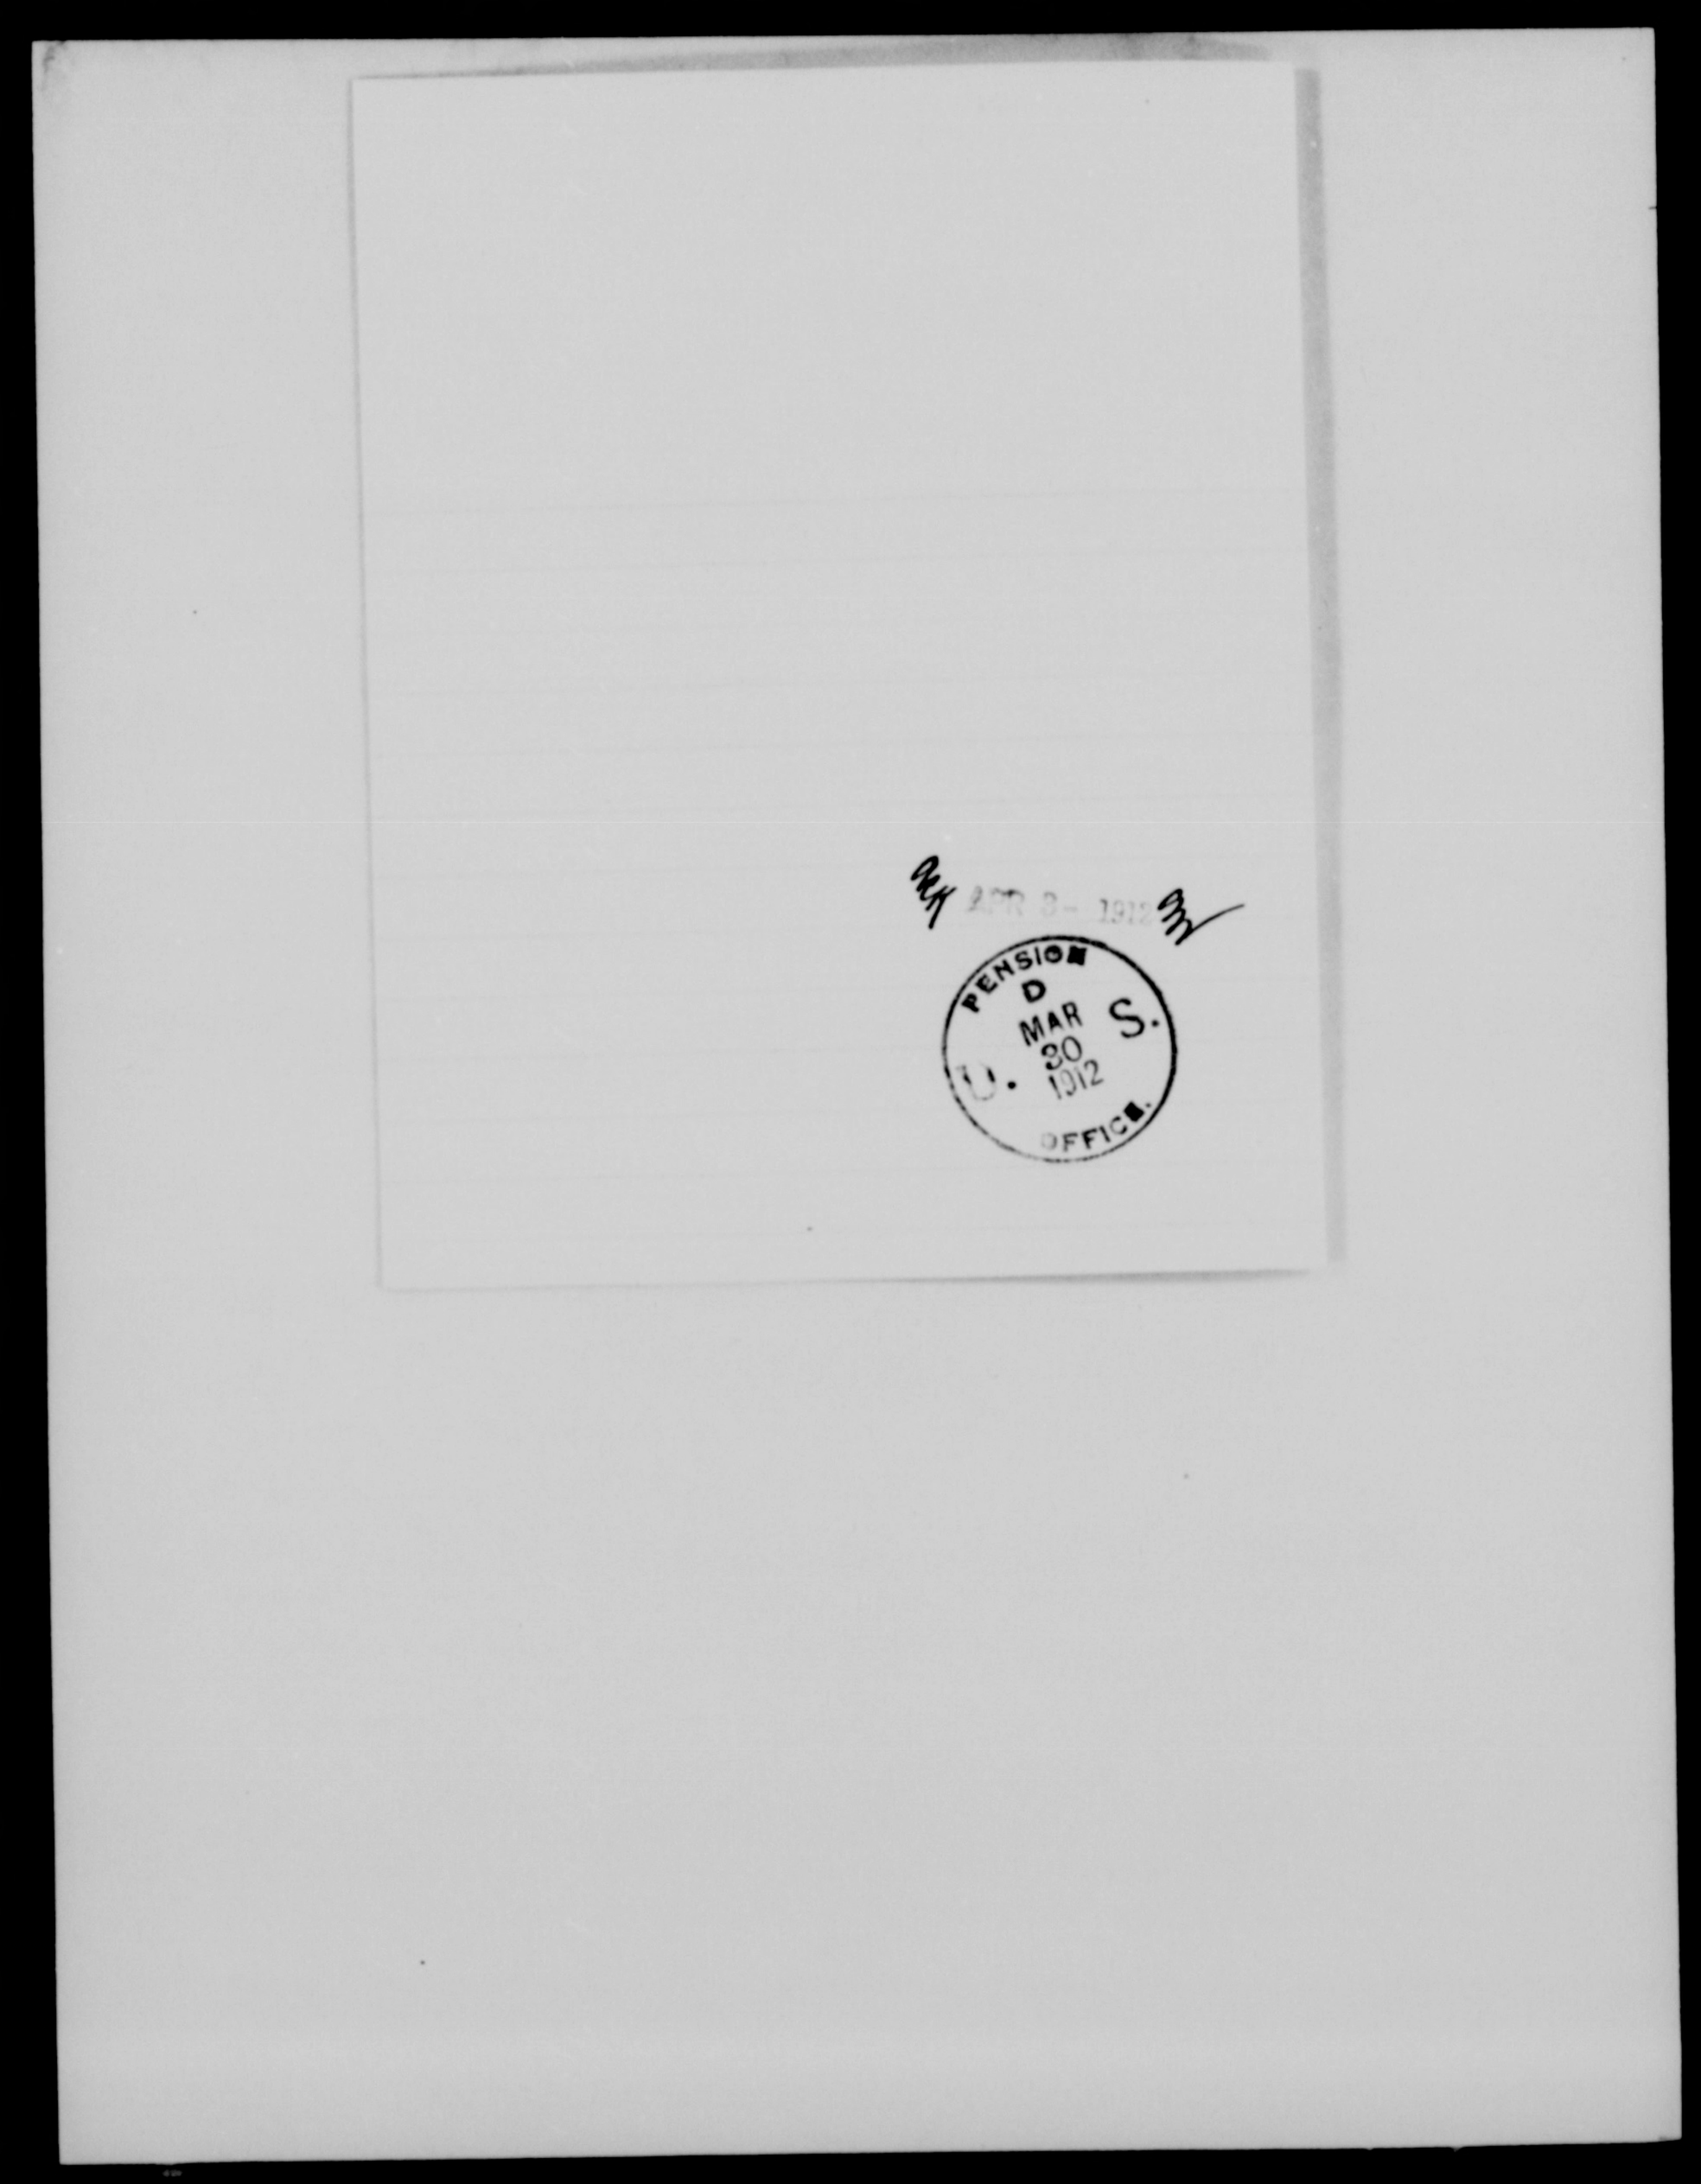*date stamp*
Apr 3-1912

*Office stamp*
Pension office
Mar 30
1912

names: [BLANK]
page: 42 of 70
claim: rejected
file: R. 10,026, for Ephraim Squier, Connecticut